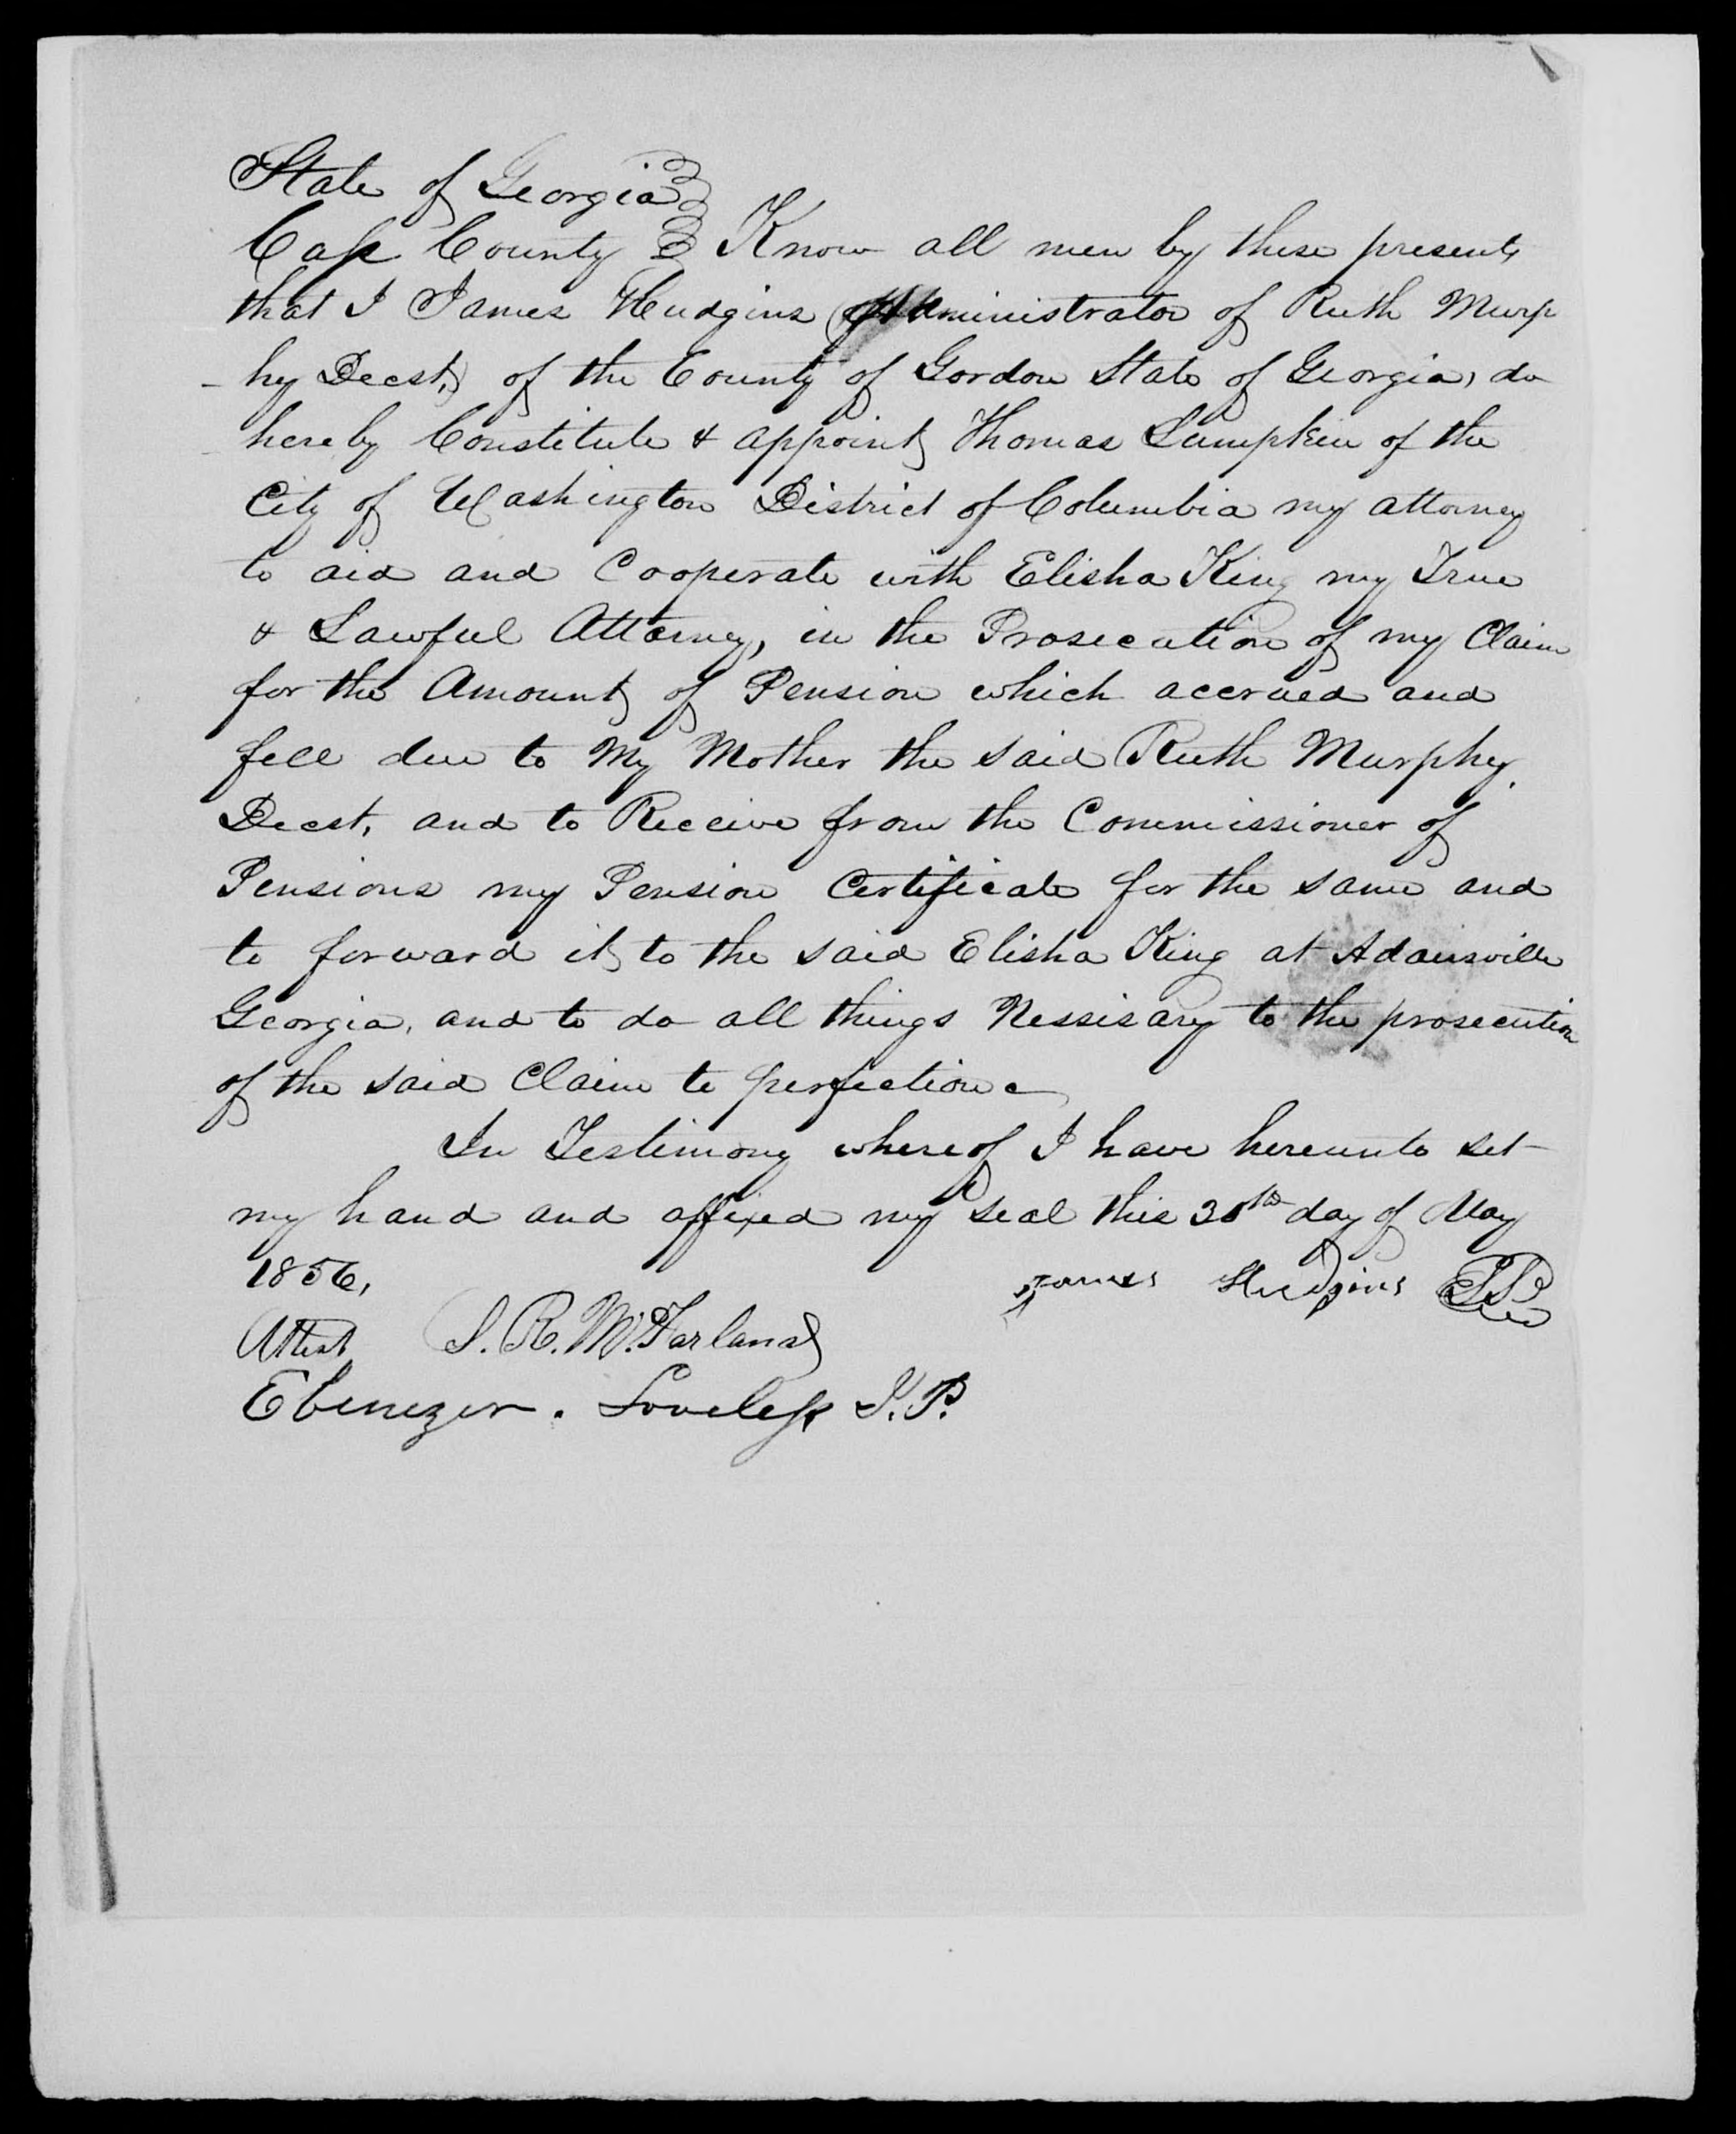State of Georgia
Cap County
KNow all new by these present that I James Hudgins Administrator of Ruth Murphy Decsed of County of Gordon State of Georgia, do hereby constitute & appoint Thomas Sampkin of the city of Washington District of Columbia my attorney to aid and cooperate with Elisha King my True & Lawful Attorney, in the prosecution of my claim for the amount of pension which accrued and fell due to my mother the said Ruth Murphy deceased, and to recieve from the commissioner of Pensions my pension certificate for the same and to forward it to the siad Elisha King at Adairsville Georgia, and to do all the things he says to the prosecution of the said claim to perfection.
In testimony whereof I have hereunto set my hand and offixed my seal this 30th day of May 1856. S.R. McFarland
Ebenezer Loveless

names: Ebenezer Loveless, Elisha King, James Hudgins, Thomas Lumpkin, S R Mc Farland, Ruth Murphy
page: 43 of 108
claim: rejected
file: R. 7,515, John Hudgins, N.C.